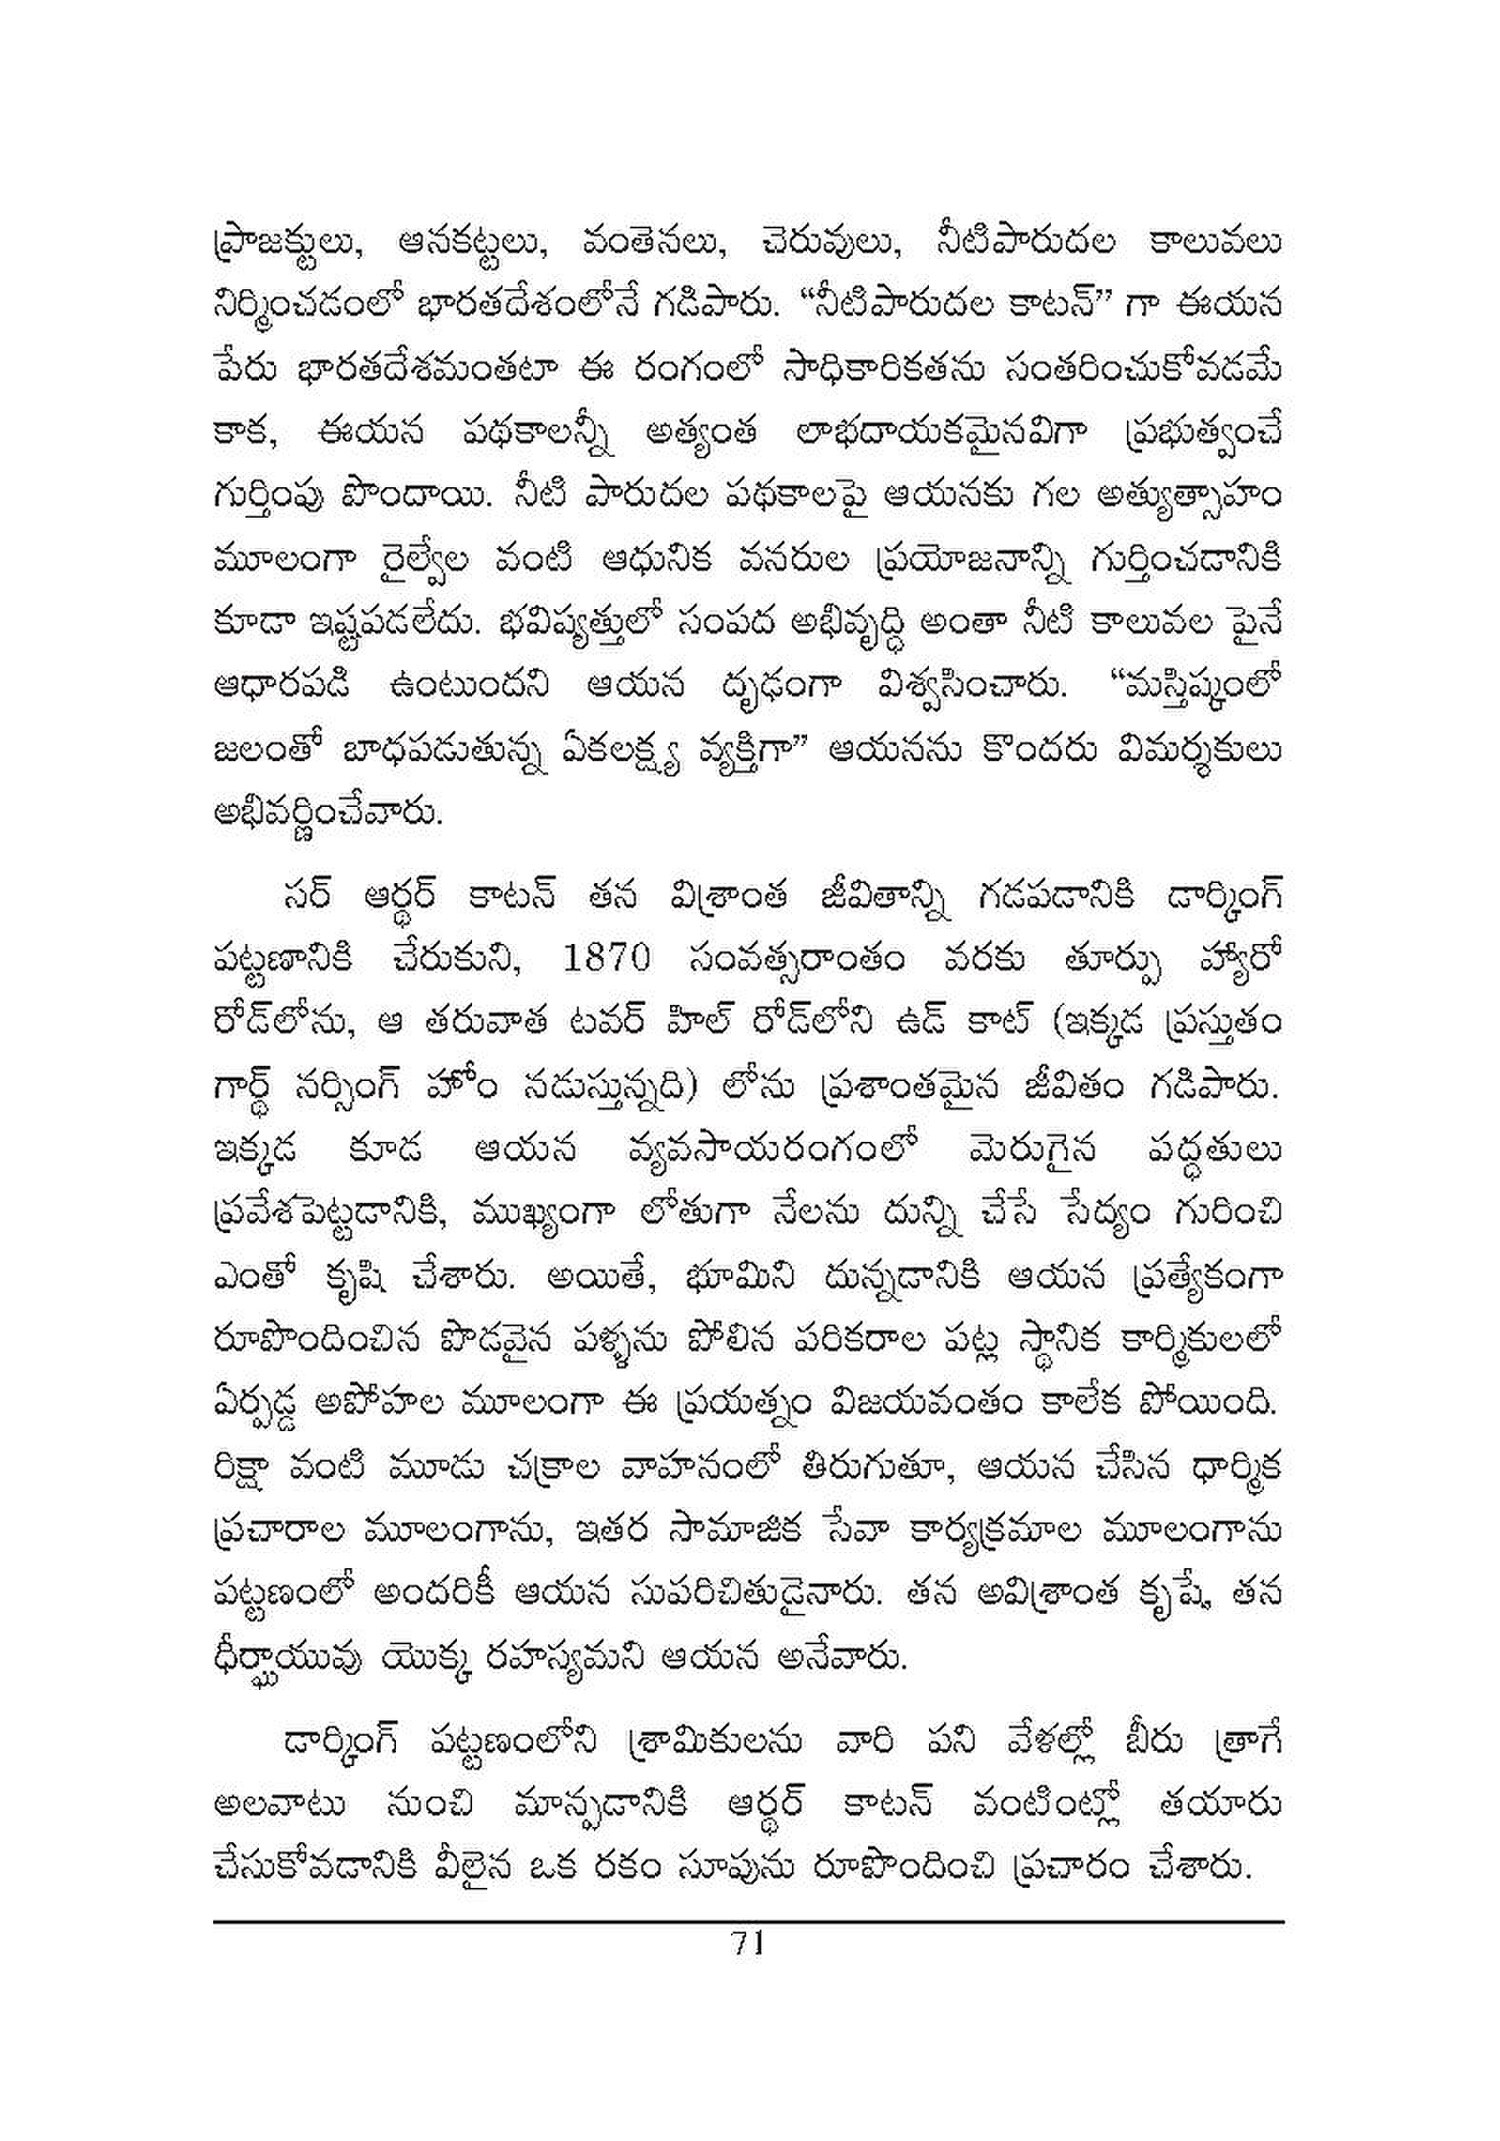ప్రాజక్టులు, ఆనకట్టలు, వంతెనలు, చెరువులు, నీటిపారుదల కాలువలు నిర్మించడంలో భారతదేశంలోనే గడిపారు. “నీటిపారుదల కాటన్” గా ఈయన పేరు భారతదేశమంతటా ఈ రంగంలో సాధికారికతను సంతరించుకోవడమే కాక, ఈయన పథకాలన్నీ అత్యంత లాభదాయకమైనవిగా ప్రభుత్వంచే గుర్తింపు పొందాయి. నీటి పారుదల పథకాలపై ఆయనకు గల అత్యుత్సాహం మూలంగా రైల్వేల వంటి ఆధునిక వనరుల ప్రయోజనాన్ని గుర్తించడానికి కూడా ఇష్టపడలేదు. భవిష్యత్తులో సంపద అభివృద్ధి అంతా నీటి కాలువల పైనే ఆధారపడి ఉంటుందని ఆయన దృఢంగా విశ్వసించారు. "మస్తిష్కంలో జలంతో బాధపడుతున్న ఏకలక్ష్య వ్యక్తిగా" ఆయనను కొందరు విమర్శకులు అభివర్ణించేవారు.

సర్ ఆర్థర్ కాటన్ తన విశ్రాంత జీవితాన్ని గడపడానికి డార్కింగ్ పట్టణానికి చేరుకుని, 1870 సంవత్సరాంతం వరకు తూర్పు హ్యారో రోడ్లోను, ఆ తరువాత టవర్ హిల్ రోడ్లోని ఉడ్ కాట్ (ఇక్కడ ప్రస్తుతం గార్డ్ నర్సింగ్ హోం నడుస్తున్నది) లోను ప్రశాంతమైన జీవితం గడిపారు. ఇక్కడ కూడ ఆయన వ్యవసాయరంగంలో మెరుగైన పద్ధతులు ప్రవేశపెట్టడానికి, ముఖ్యంగా లోతుగా నేలను దున్ని చేసే సేద్యం గురించి ఎంతో కృషి చేశారు. అయితే, భూమిని దున్నడానికి ఆయన ప్రత్యేకంగా రూపొందించిన పొడవైన పళ్ళను పోలిన పరికరాల పట్ల స్థానిక కార్మికులలో ఏర్పడ్డ అపోహల మూలంగా ఈ ప్రయత్నం విజయవంతం కాలేక పోయింది. రిక్షా వంటి మూడు చక్రాల వాహనంలో తిరుగుతూ, ఆయన చేసిన ధార్మిక ప్రచారాల మూలంగాను, ఇతర సామాజిక సేవా కార్యక్రమాల మూలంగాను పట్టణంలో అందరికీ ఆయన సుపరిచితుడైనారు. తన అవిశ్రాంత కృషే. తన ధీర్గాయువు యొక్క రహస్యమని ఆయన అనేవారు.

డార్కింగ్ పట్టణంలోని శ్రామికులను వారి పని వేళల్లో బీరు త్రాగే అలవాటు నుంచి మాన్పడానికి ఆర్థర్ కాటన్ వంటింట్లో తయారు చేసుకోవడానికి వీలైన ఒక రకం సూపును రూపొందించి ప్రచారం చేశారు.